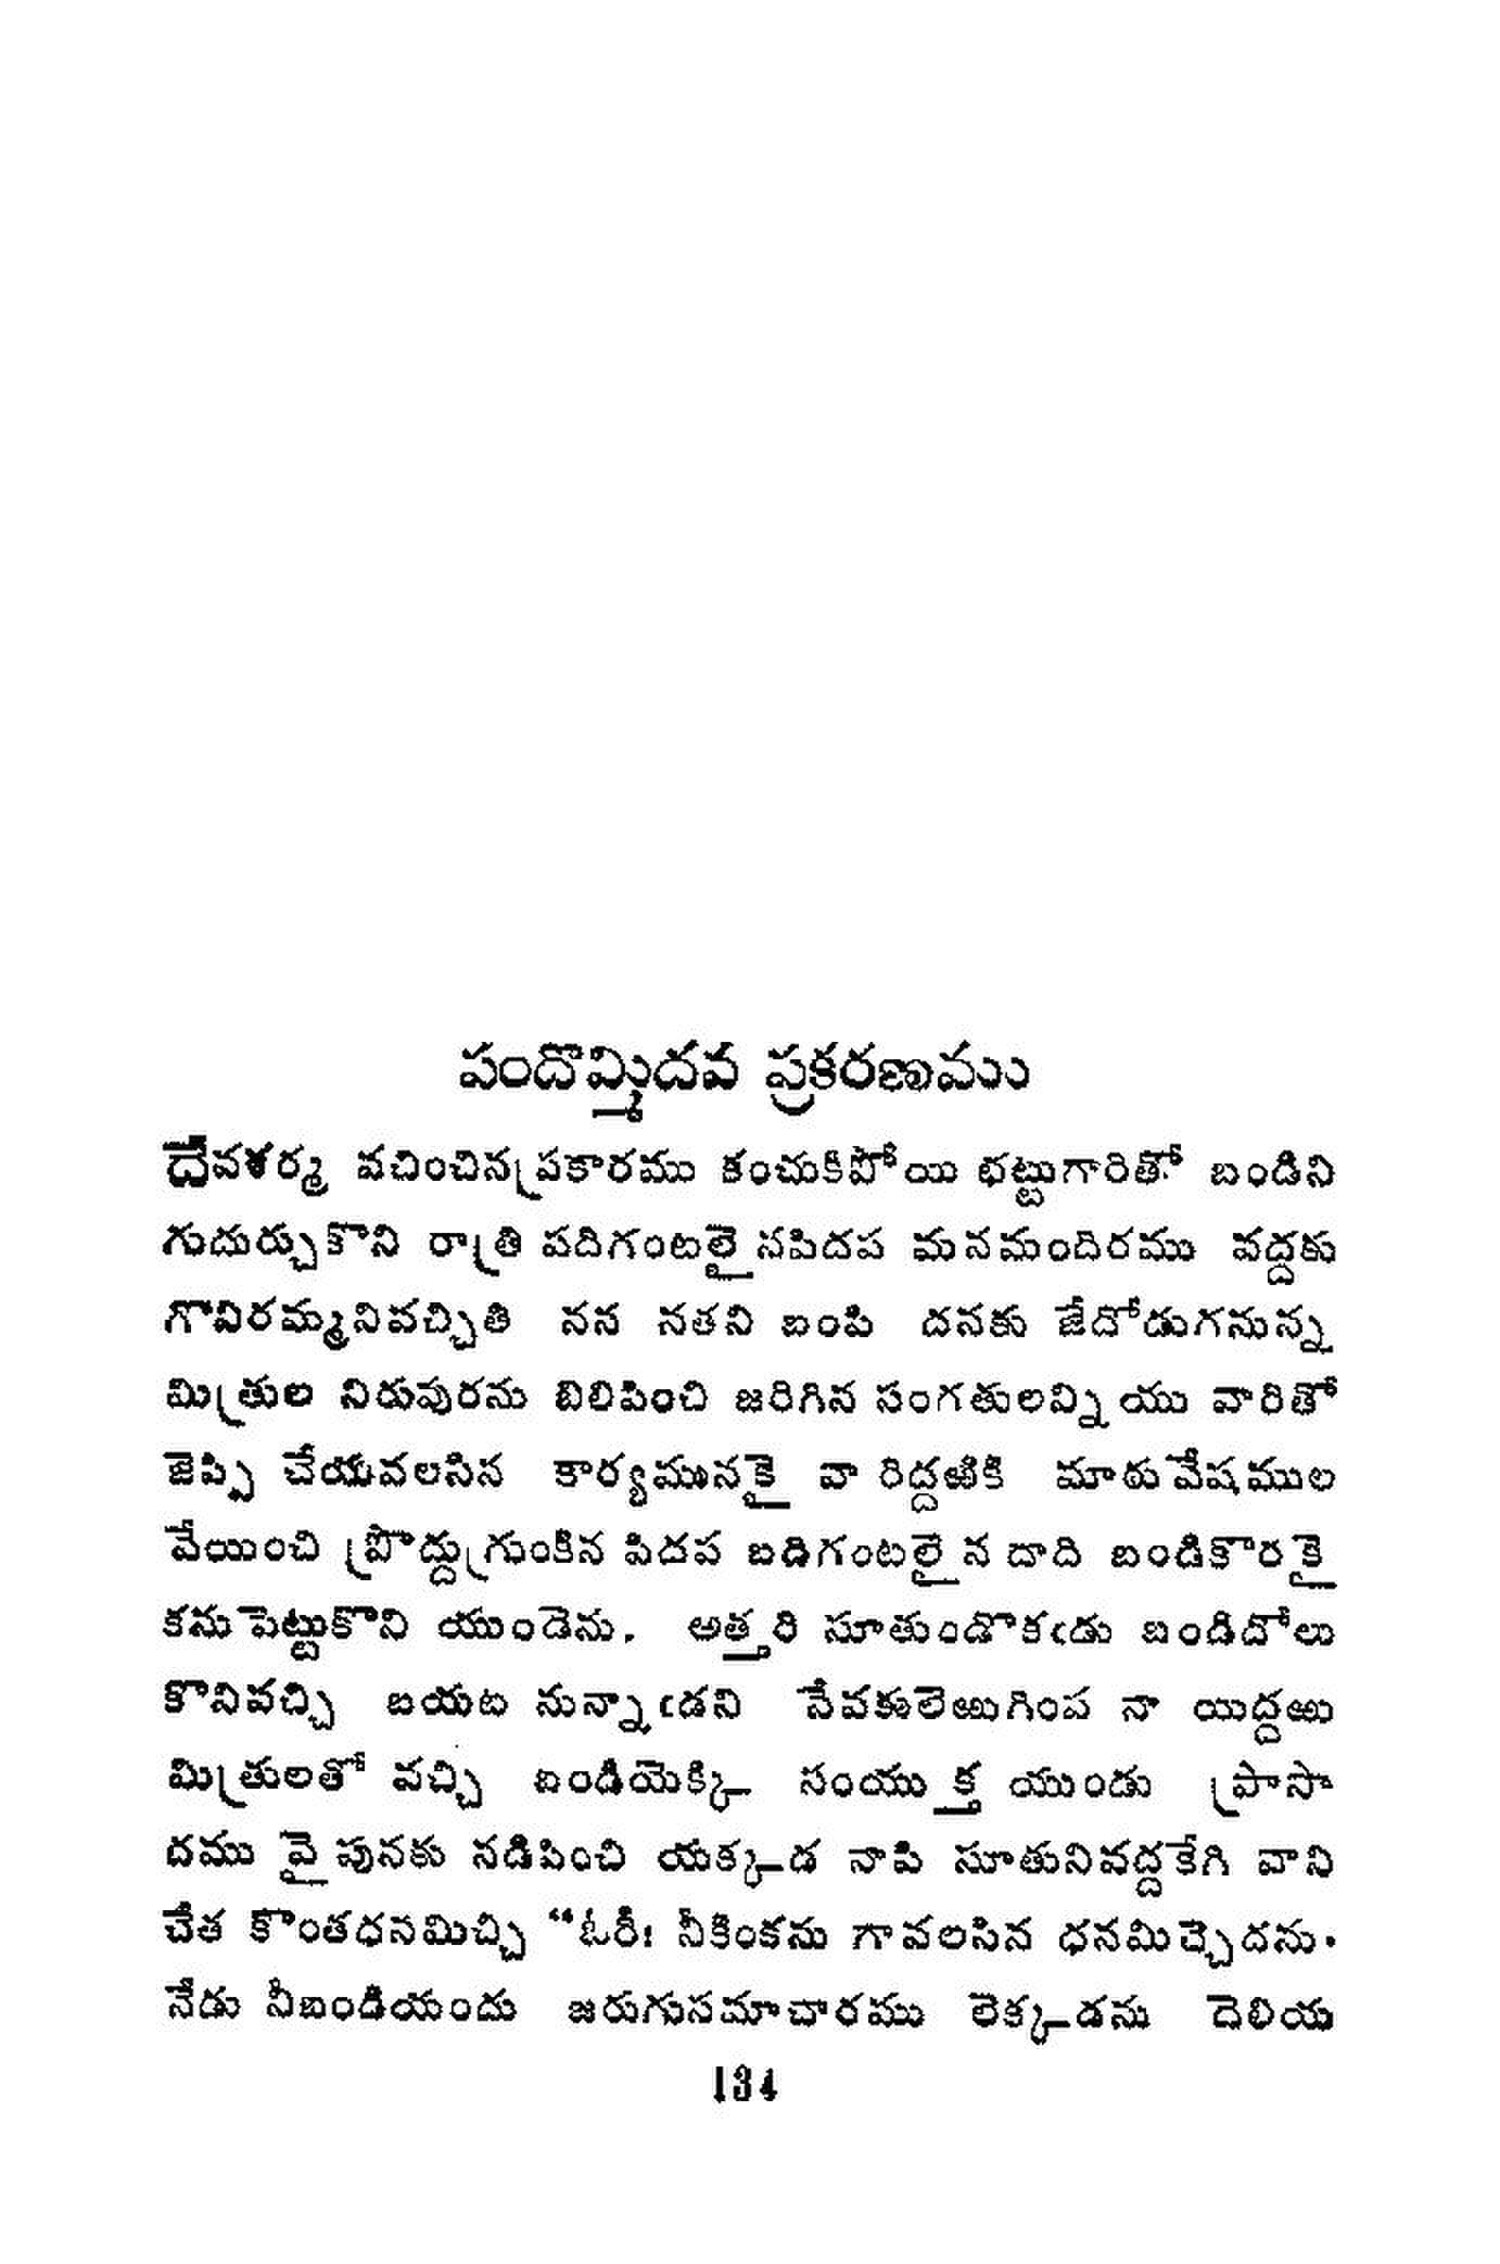పందొమ్మిదవ ప్రకరణము

వశర్మ వచించిన ప్రకారము కంచుకిపోయి భట్టుగారితో బండిని గుదుర్చుకొని రాత్రి పదిగంటలైనపిదప మనమందిరము వద్దకు గొనిరమ్మనివచ్చితి నన నతని బంపి దనకు జేదోడుగనున్న మిత్రుల నిరువురను బిలిపించి జరిగిన సంగతులన్నియు వారితో జెప్పి చేయవలసిన కార్యమునకై వా రిద్దఱికి మారువేషముల వేయించి ప్రొద్దుగ్రుంకిన పిదప బదిగంటలైన దాది బండికొరకై కనుపెట్టుకొని యుండెను. అత్తరి సూతుండొకఁడు బండిదోలుకొనివచ్చి బయట నున్నాఁడని సేవకులెఱుగింప నా యిద్దఱు మిత్రులతో వచ్చి బండియెక్కి సంయుక్త యుండు ప్రాసాదము వైపునకు నడిపించి యక్కడ నాపి సూతునివద్దకేగి వానిచేత కొంతధనమిచ్చి "ఓరీ! నీకింకను గావలసిన ధనమిచ్చెదను. నేడు నీబండియందు జరుగు సమాచారము లెక్కడను దెలియ